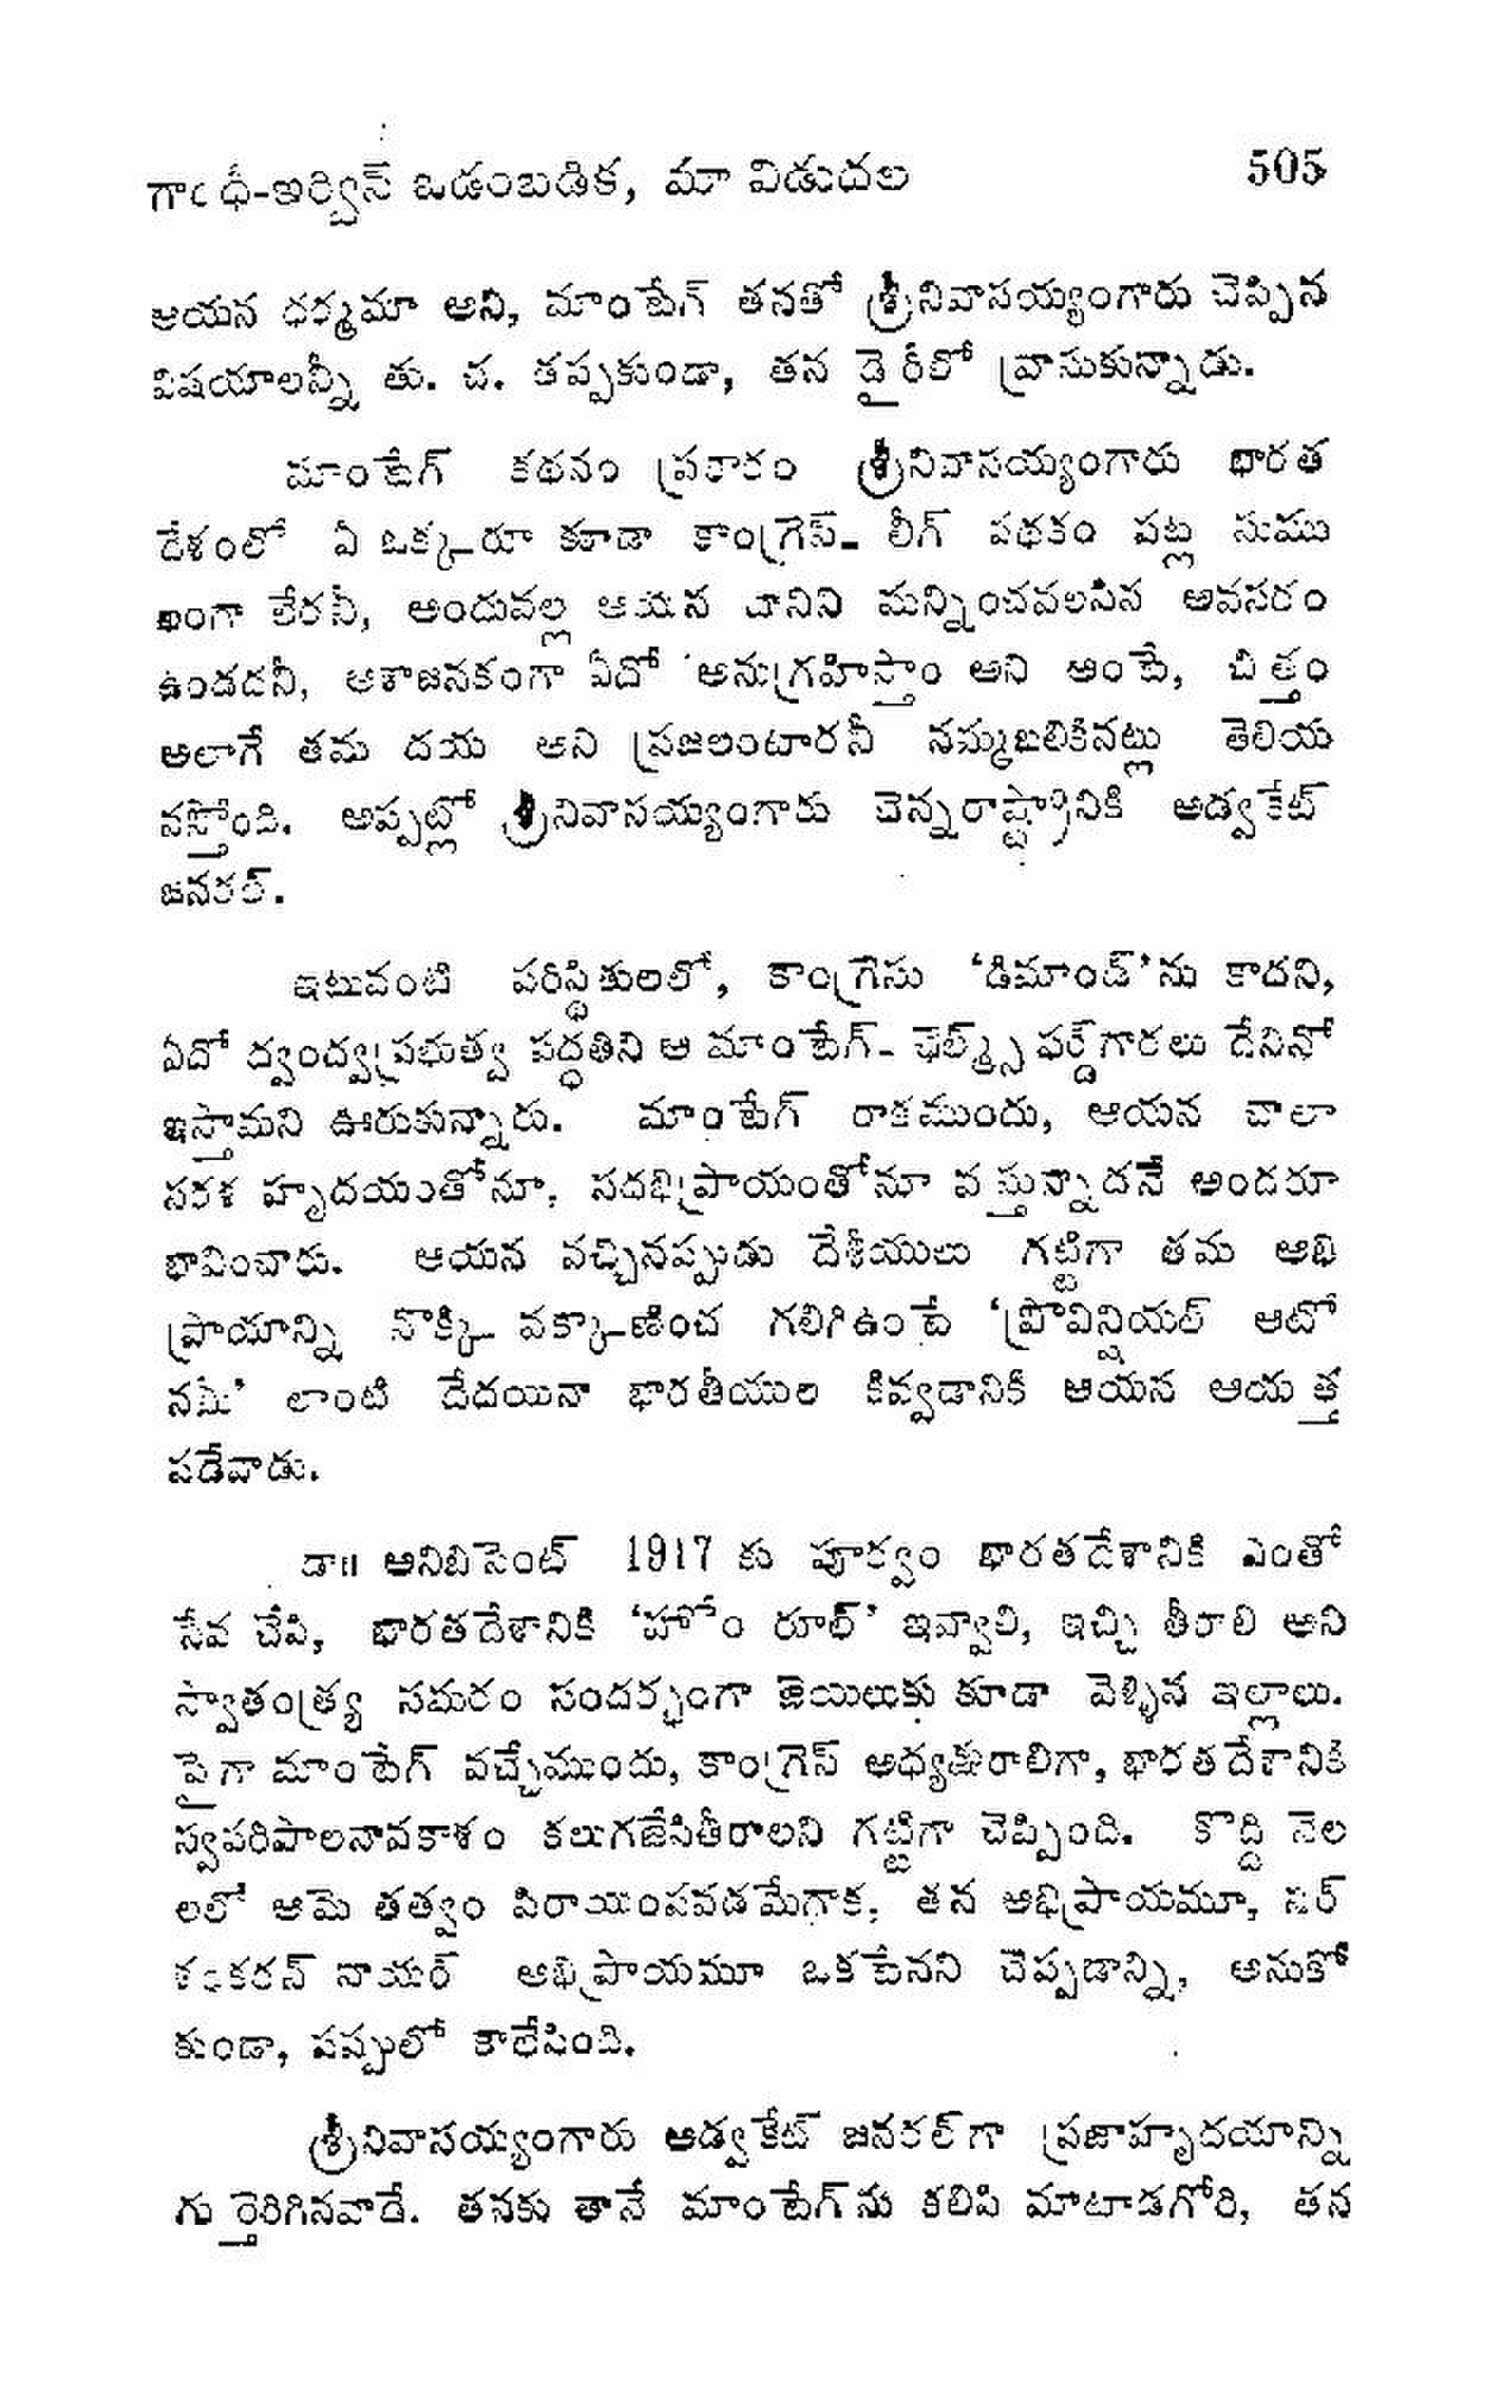ఆయన ధర్మమా అని, మాంటేగ్ తనతో శ్రీనివాసయ్యంగారు చెప్పిన విషయాలన్నీ తు. చ. తప్పకుండా, తన డైరీలో వ్రాసుకున్నాడు.

మాంటేగ్ కథనం ప్రకారం శ్రీనివాసయ్యంగారు భారత దేశంలో ఏ ఒక్కరూ కూడా కాంగ్రెస్ - లీగ్ పథకం పట్ల సుముఖంగా లేరనీ, అందువల్ల ఆయన దానిని మన్నించవలసిన అవసరం ఉండదనీ, ఆశాజనకంగా ఏదో అనుగ్రహిస్తాం అని అంటే, చిత్తం అలాగే తమ దయ అని ప్రజలంటారనీ నమ్మబలికినట్లు తెలియవస్తోంది. అప్పట్లో శ్రీనివాసయ్యంగారు చెన్నరాష్ట్రానికి అడ్వకేట్ జనరల్.

ఇటువంటి పరిస్థితులలో, కాంగ్రెసు 'డిమాండ్‌'ను కాదని, ఏదో ద్వంద్వప్రభుత్వ పద్ధతిని ఆ మాంటేగ్ - ఛెల్మ్స్‌ఫర్డ్‌గారలు దేనినో ఇస్తామని ఊరుకున్నారు. మాంటేగ్ రాకముందు, ఆయన చాలా సరళ హృదయంతోనూ, సదభిప్రాయంతోనూ వస్తున్నాడనే అందరూ భావించారు. ఆయన వచ్చినప్పుడు దేశీయులు గట్టిగా తమ అభిప్రాయాన్ని నొక్కి వక్కాణించ గలిగిఉంటే 'ప్రొవిన్షియల్ ఆటోనమీ' లాంటి దేదయినా భారతీయుల కివ్వడానికి ఆయన ఆయత్తపడేవాడు.

డా॥ అనిబిచెంట్ 1917 కు పూర్వం భారతదేశానికి ఎంతో సేవ చేసి, భారతదేశానికి 'హోం రూల్‌' ఇవ్వాలి, ఇచ్చి తీరాలి అని స్వాతంత్ర్య సమరం సందర్భంగా జెయిలుకు కూడా వెళ్ళిన ఇల్లాలు. పైగా మాంటేగ్ వచ్చేముందు, కాంగ్రెస్ అధ్యక్షురాలిగా, భారతదేశానికి స్వపరిపాలనావకాశం కలుగజేసితీరాలని గట్టిగా చెప్పింది. కొద్ది నెలలో ఆమె తత్వం పిరాయింపవడమేగాక, తన అభిప్రాయమూ, సర్ శంకరన్ నాయర్ అభిప్రాయమూ ఒకటేనని చెప్పడాన్ని, అనుకోకుండా, పప్పులో కాలేసింది.

శ్రీనివాసయ్యంగారు అడ్వకేట్ జనరల్‌గా ప్రజాహృదయాన్ని గుర్తెరిగినవాడే. తనకు తానే మాంటేగ్‌ను కలిసి మాటాడగోరి, తన